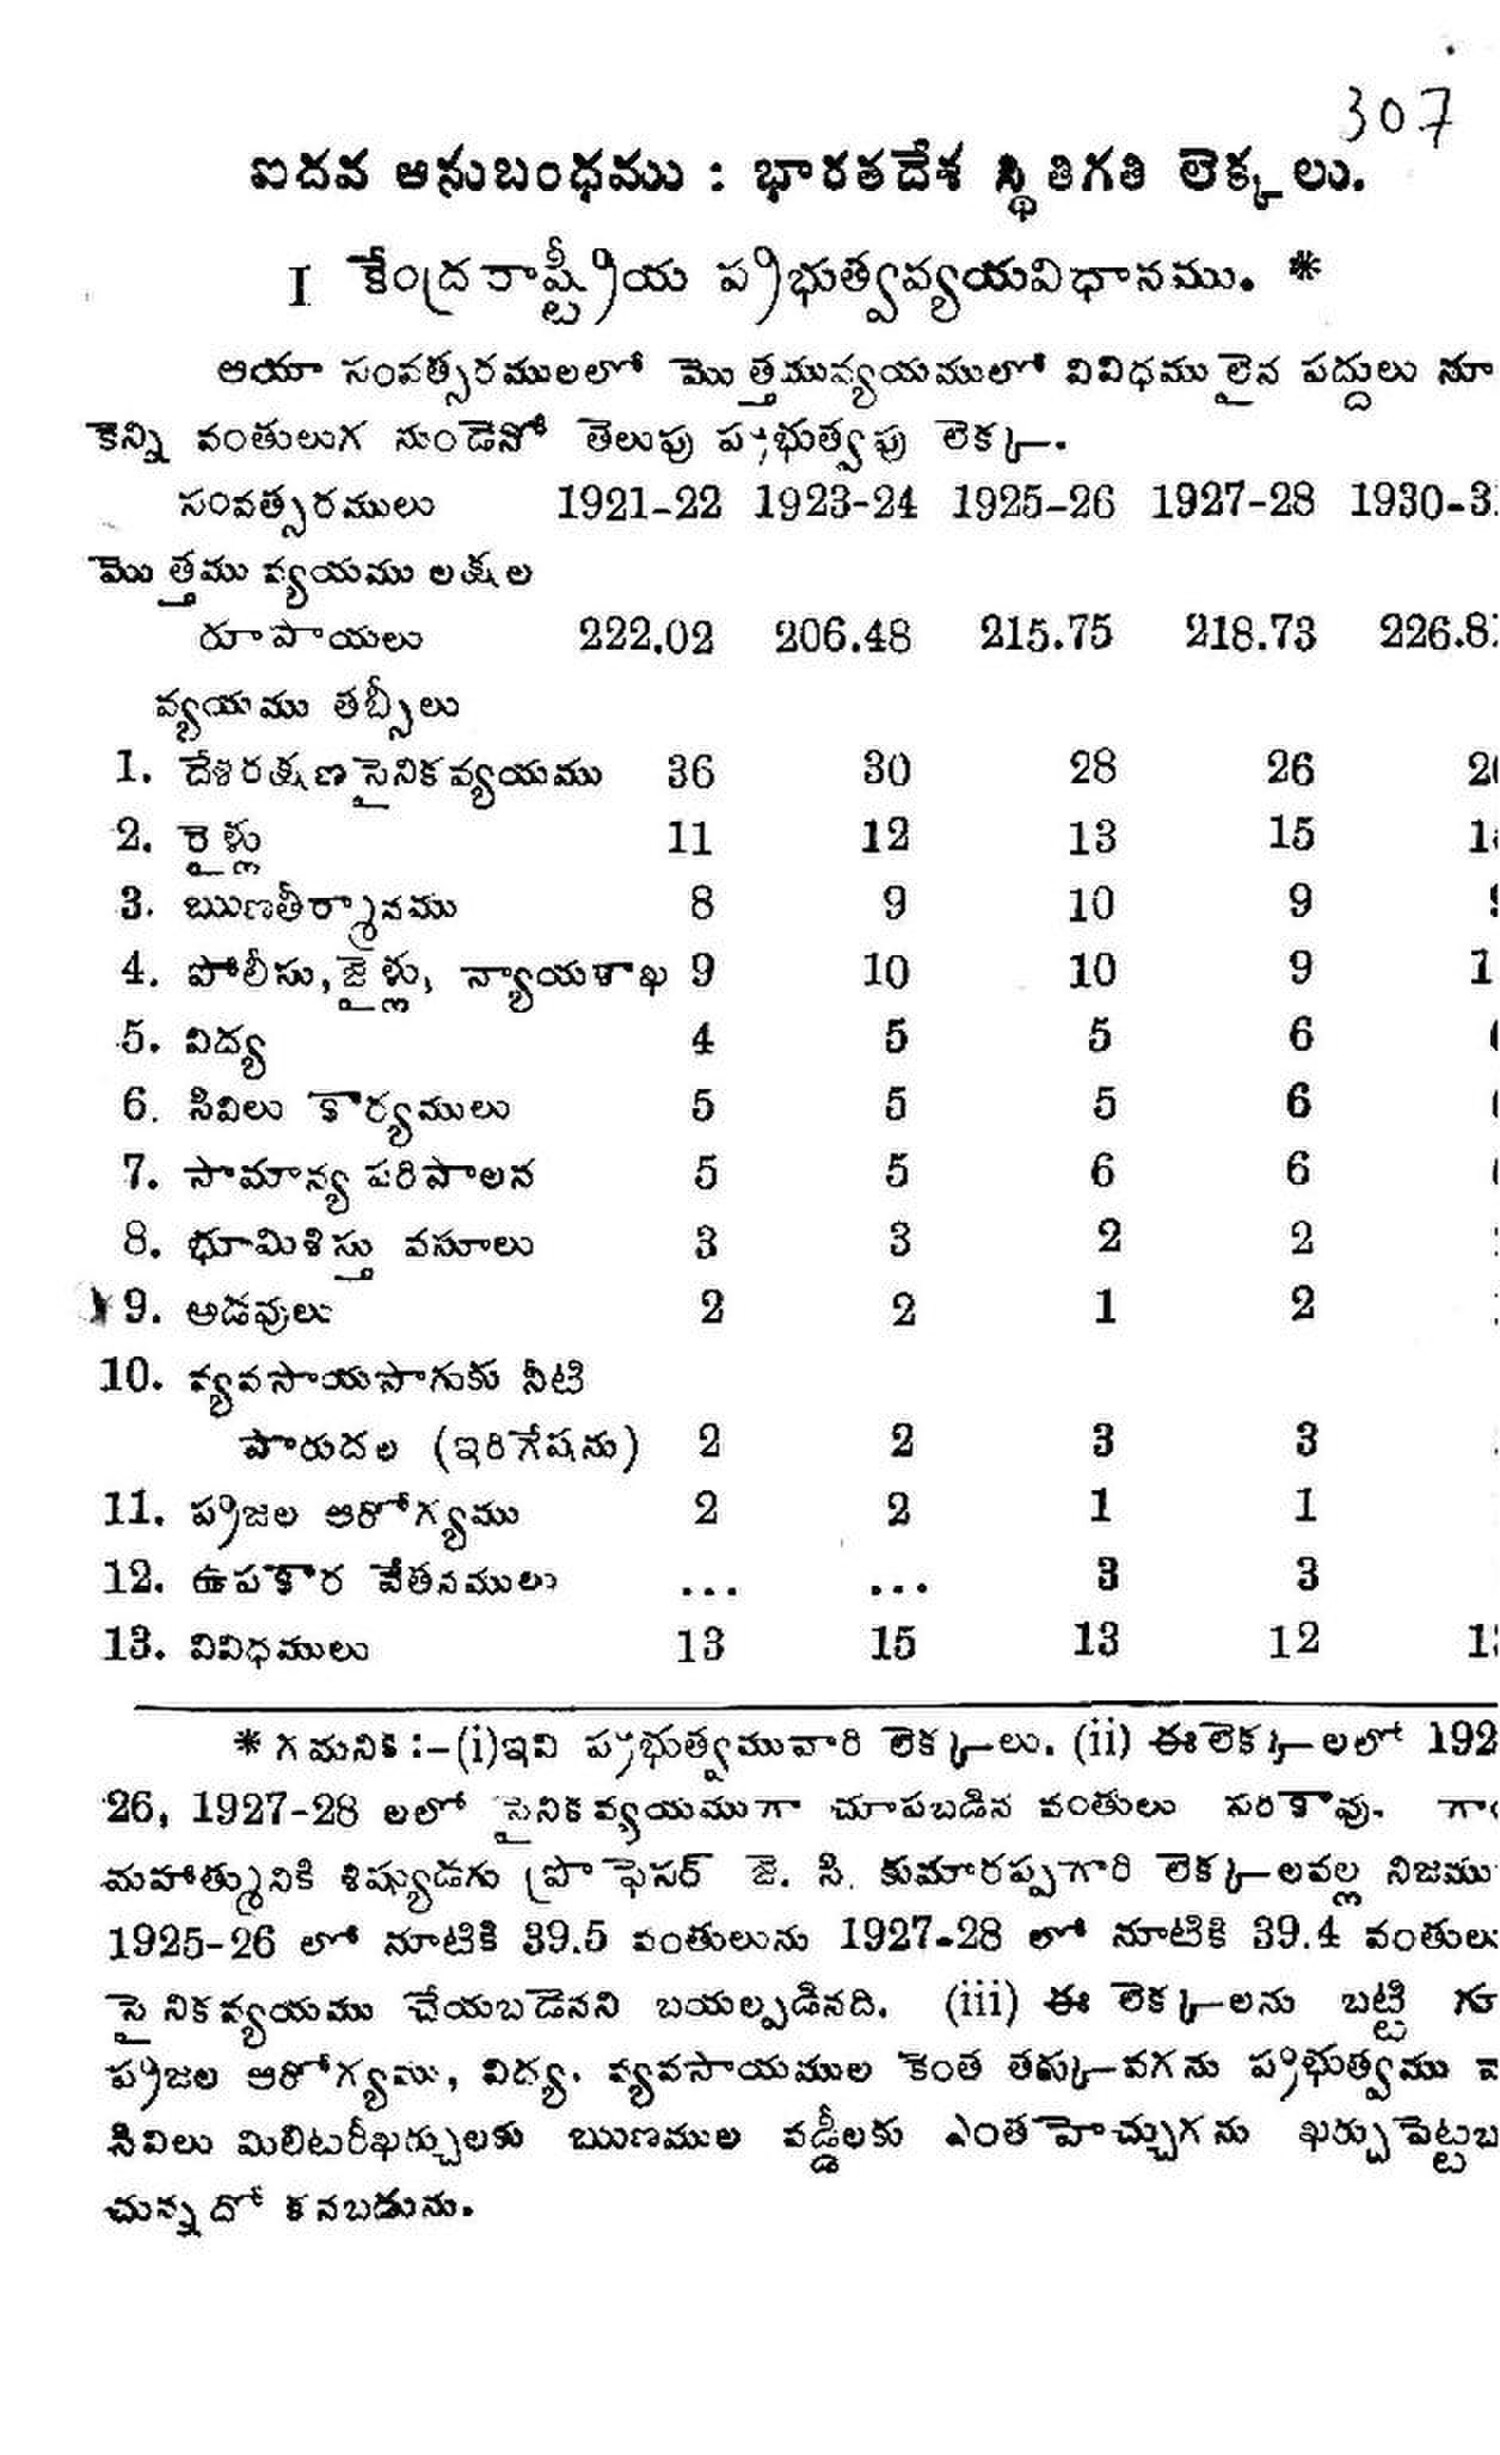ఐదవ అనుబంధము : భారతదేశ స్థితిగతి లెక్కలు
I కేంద్రరాష్ట్రీయ ప్రభుత్వవ్యయవిధానము.

ఆయా సంవత్సరములలో మొత్తమువ్యయములో వివిధములైన పద్దులు నూటి కెన్ని వంతులుగ నుండెనో తెలుపు ప్రభుత్వపు లెక్క.
 సంవత్సరములు 1921-22 1923-24 1925-26 1927-28 1930-31 మొత్తము వ్యయము లక్షల రూపాయలు వ్యయము తబ్సీలు 222.02 206.48 215-75 218-.73 226.8- 1. దేశరక్షణసైనికవ్యయము 36 30 28 26 2- 2. రైళ్లు 11 12 13 15 1- 3. ఋణతీర్మానము 8 9 10 9 1- 4. పోలీసు, జైళ్లు, న్యాయశాఖ 9 10 10 9 1- 5. విద్య 4 5 5 6 - 6. సివిలు కార్యములు 5 5 5 6 - 7. సామాన్యపరిపాలన 5 5 6 6 - 8. భూమిశిస్తు వసూలు 3 3 2 2 - 9. అడవులు 2 2 1 2 - 10. వ్యవసాయసాగుకు నీటిపారుదల (ఇరిగేషను) 2 2 3 3 - 11. ప్రజల ఆరోగ్యము 2 2 1 1 - 12. ఉపకార వేతనములు - - 3 3 - 13. వివిధములు 13 15 13 12 1-